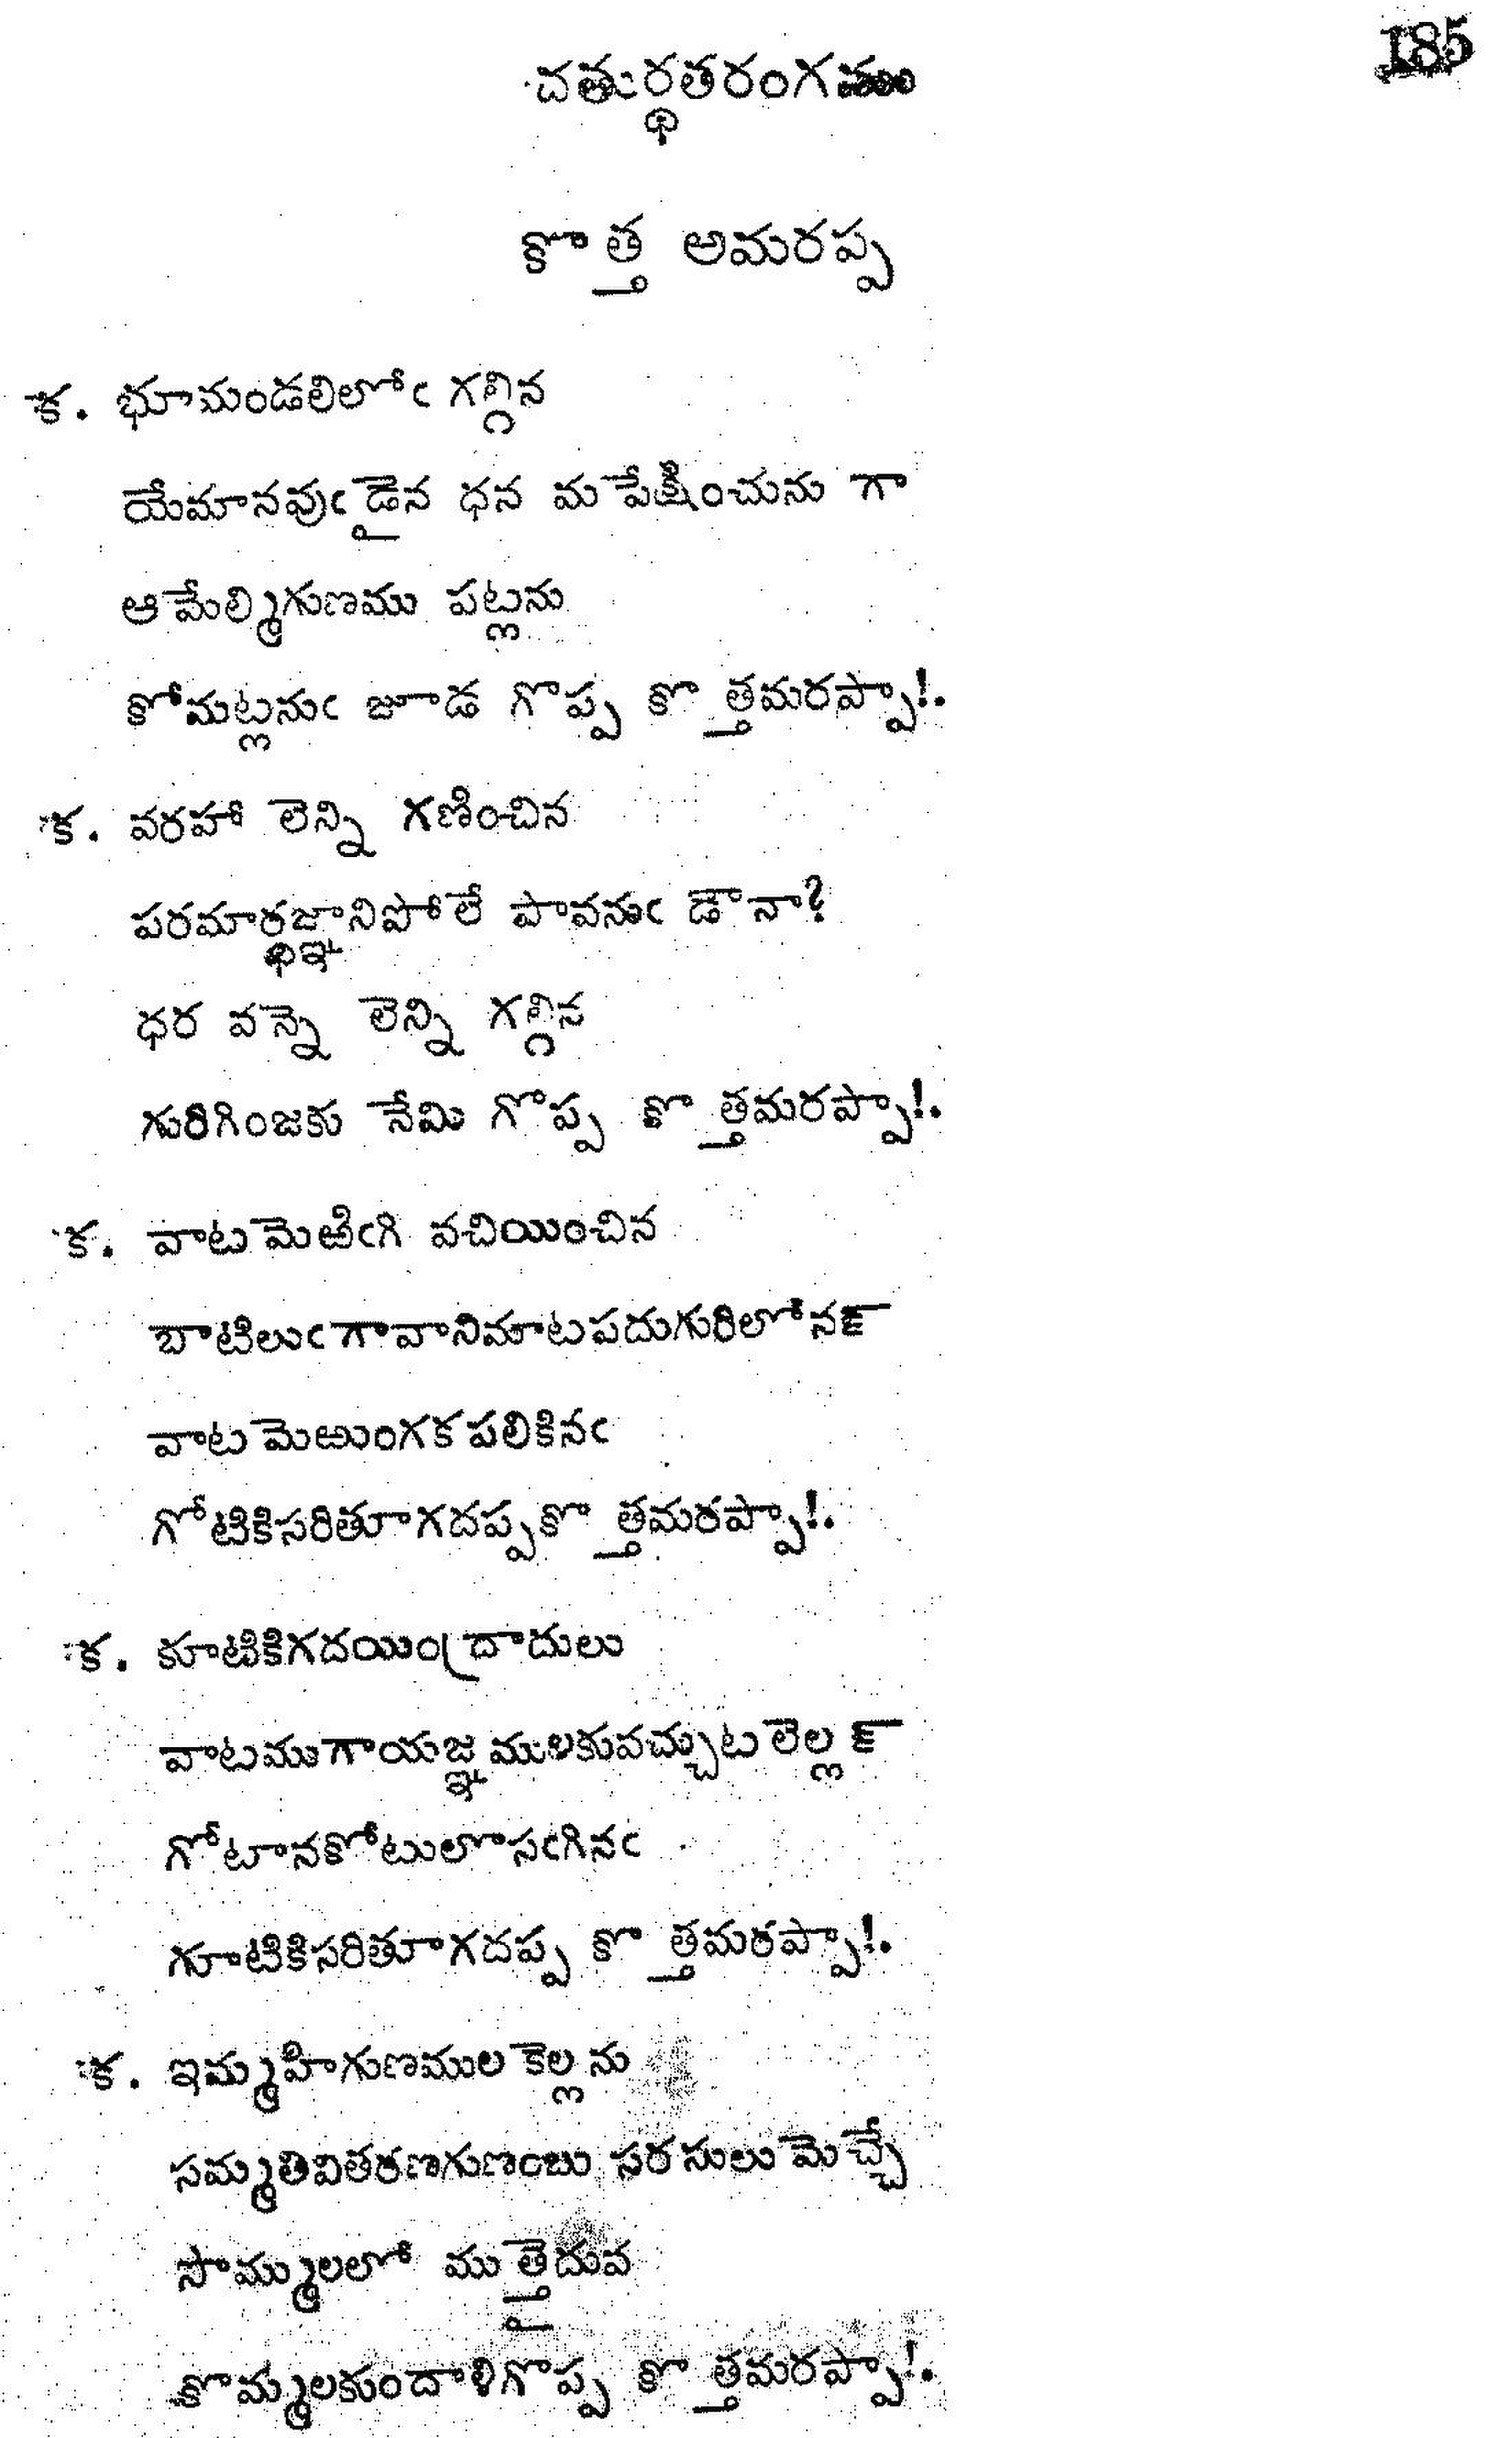క. భూమండలిలోఁ గల్గిన
 యేమానవుఁడైన ధన మపేక్షించును గా
 ఆమేల్మిగుణము పట్లను
 కోమట్లనుఁ జూడ గొప్ప కొత్తమరప్పా!

క. వరహా లెన్ని గణించిన
 పరమార్థజ్ఞానిపోలె పావనుఁ డౌనా?
 ధర వన్నె లెన్ని గల్గిన
 గురిగింజకు నేమి గొప్ప కొత్తమరప్పా!

క. వాట మెఱిఁగి వచియించిన
 బాడిలుఁగా వానిమాట పదుగురిలోనన్
 వాట మెఱుంగక పలికినఁ
 గోటికి సరతూగదప్ప కొత్తమరప్పా!

క. కూటికి గద యింద్రాదులు
 వాటముగా యజ్ఞములకు వచ్చుటలెల్లన్
 గోటానకోటు లొసఁగినఁ
 గూటికి సరితూగదప్ప కొత్తమరప్పా!

క. ఇమ్మహి గుణములకెల్లను
 సమ్మతి వితరణగుణంబు సరసులు మెచ్చే
 సొమ్ములలో ముత్తైదువ
 కొమ్మలకుం దాళి గొప్ప కొత్తమరప్పా!